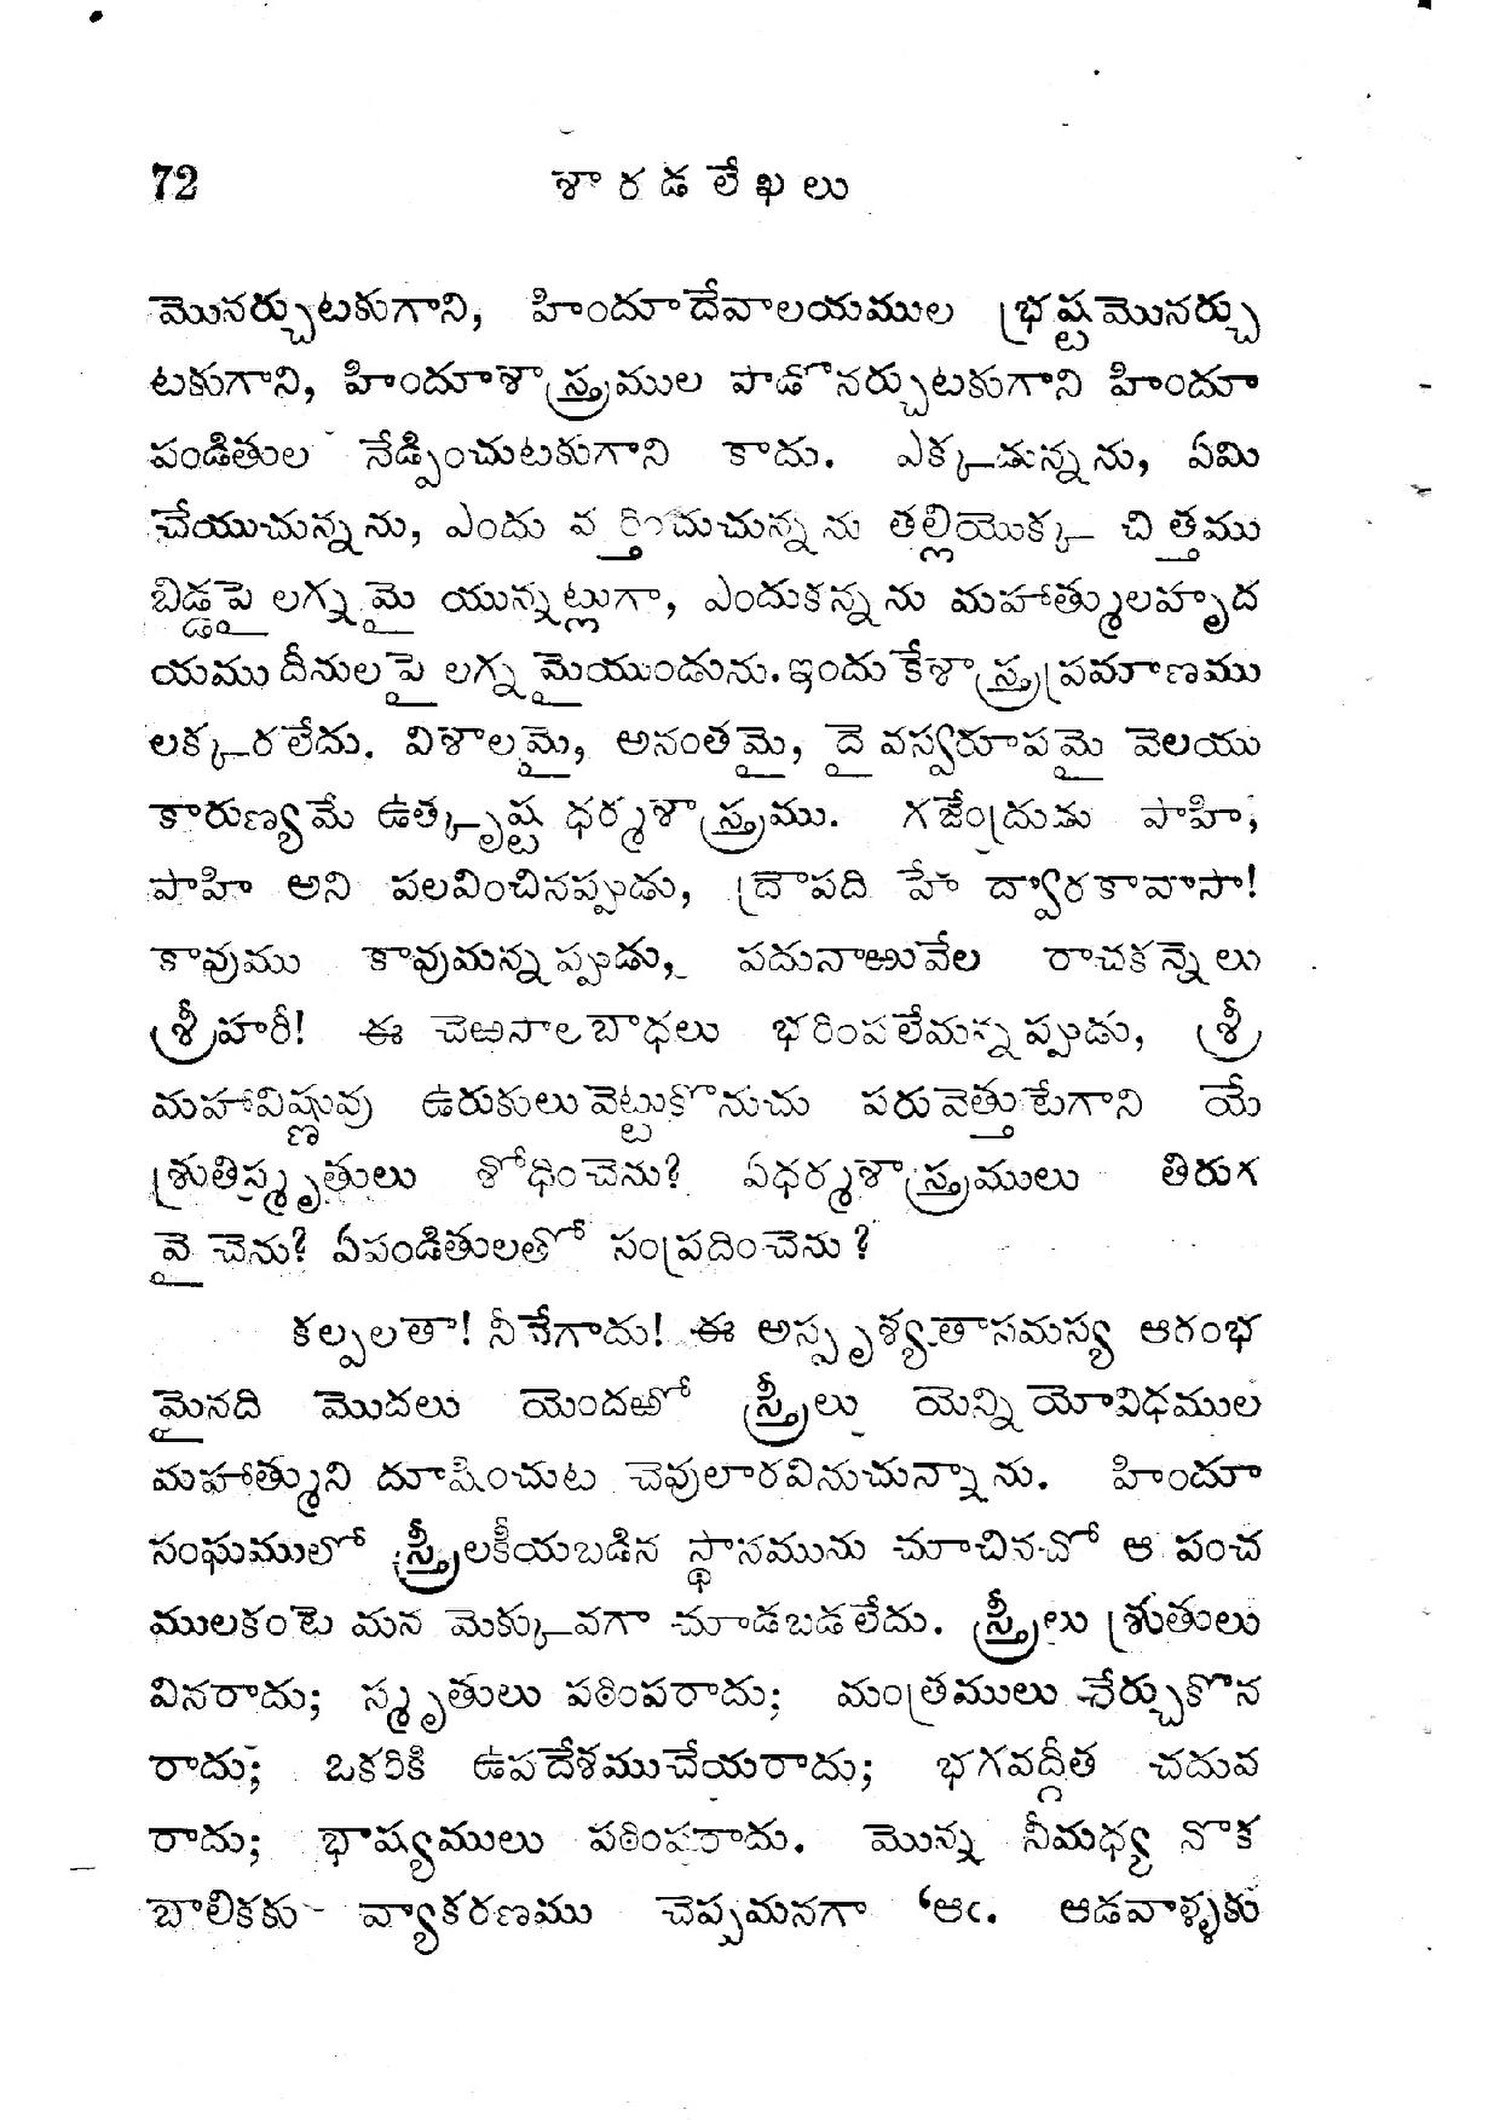మొనర్చుటకుగాని, హిందూదేవాలయముల భ్రష్టమొనర్చు
టకుగాని, హిందూశాస్త్రములు పాడొనర్చుటకుగాని హిందూ
పండితుల నేడ్పించుటకుగాని కాదు. ఎక్కడున్నను, ఏమి
చేయుచున్నను,ఎందు వర్తించుచున్నను తల్లియొక్క చిత్తము
బిడ్డపై లగ్నమై యున్నట్లుగా, ఎందుకన్నను మహాత్ములహృద
యముదీనులపై లగ్న మైయుండును. ఇందు కేశాస్త్రప్రమాణము
లక్కరలేదు. విశాలమై, అనంతమై, దైవస్వరూపమై వెలయు
కారుణ్యమే ఉత్కృష్ట ధర్మశాస్త్రము. గజేంద్రుడు పాహి;
పాహి అని పలవించినప్పడు, ద్రౌపది హే ద్వారకావాసా!
కావుము కావుమన్నప్పుడు, పదునాఱువేల రాచకన్నెలు
శ్రీహరీ! ఈ చెఱసాల బాధలు భరింపలేమన్నప్పుడు, శ్రీ
మహావిష్ణువు ఉరుకులు వెట్టుకొనుచు పరువెత్తు టేగాని యే
శ్రుతిస్మృతులు శోధించెను? ఏధర్మశాస్త్రములు తిరుగ
వై చెను? ఏ పండితులతో సంప్రదించెను?

కల్పలతా! నీవేగాదు! ఈ అస్పృశ్యతాసమస్య ఆరంభ
మైనది మొదలు యెందఱో స్త్రీలు యెన్ని యోవిధముల
మహాత్ముని దూషించుట చెవులార వినుచున్నాను. హిందూ
సంఘములో స్త్రీలకీయబడిన స్థానమును చూచినచో ఆ పంచ
ములకంటె మన మెక్కువగా చూడబడలేదు. స్త్రీలు శ్రుతులు
వినరాదు; స్మృతులు పఠింపరాదు; మంత్రములు నేర్చుకొన
రాదు; ఒకరికి ఉపదేశము చేయరాదు; భగవద్గీత చదువ
రాదు; భాష్యములు పఠింపరాదు. మొన్న నీమధ్య నొక
బాలికకు వ్యాకరణము చెప్పమనగా "ఆఁ. ఆడవాళ్ళకు
-